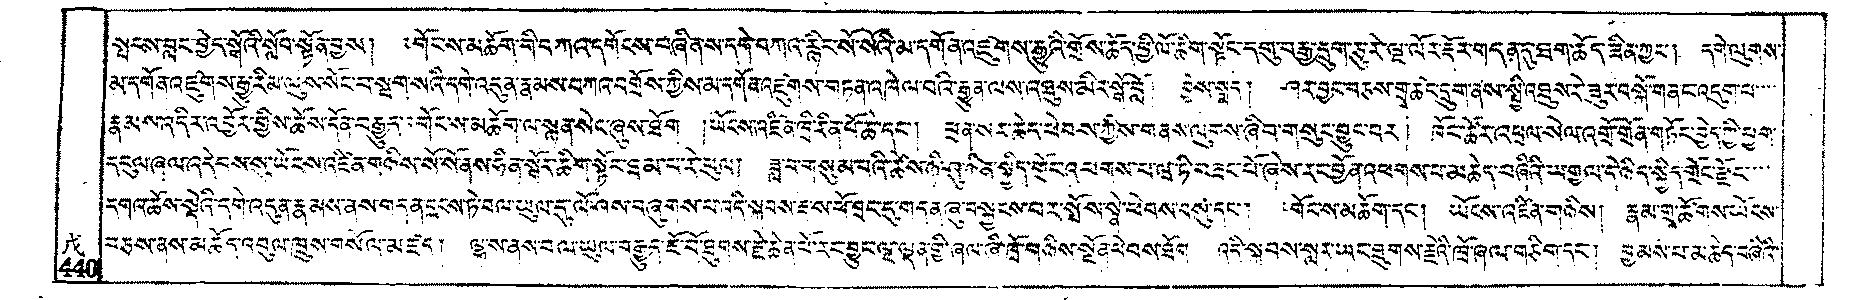སྤངས་བླང་བྱེད་སྒོའི་སློབ་སྟོན་བྱས། ༧གོང་ས་མཆོག་གི་བཀའ་དགོངས་བཞིན་ས་དགེ་བཀའ་རྙིང་སོ་སོའི་མ་དགོན་འཛུགས་རྒྱུའི་གྲོས་ཆོད་ཕྱི་ལོ་ཆིག་སྟོང་དགུ་བརྒྱ་དྲུག་ཅུ་རེ་ལྔ་ལོར་རྡོར་གདན་དུ་ཐག་ཆོད་ཟིན་ཀྱང་། དགེ་ལུགས་
མ་དགོན་འཛུགས་རྒྱུ་རིམ་ལུས་སོང་བ་སྦག་སའི་དགེ་འདུན་རྣམས་བཀའ་བགྲོས་ཀྱིས་མ་དགོན་འཛུགས་གཏན་འཁེལ་བའི་རྒྱུན་ལས་འཐུས་མིར་སྒོ་བློ། བྱེས་སྨད། ཤར་བྱང་བཅས་གྲྭ་ཚང་དྲུག་ནས་སྤྱི་འཐུས་རེ་ཟུར་བསྐོ་གནང་འདུག་པ་
རྣམས་འདིར་འབྱོར་གྱིས་ཆོས་དོན་བརྒྱུད་༧གོང་ས་མཆོག་ལ་སྙན་སེང་ཞུས་ཐོག །ཡོངས་འཛིན་ཁྲི་རིན་པོ་ཆེ་དང་། ཕྲན་སར་ཆེད་ཕེབས་ཀྱིས་གནས་ལུགས་ཞིབ་གསུང་བྱུང་བར། ཁོང་ཚོར་འཕྲལ་སེལ་འགྲོ་གྲོན་གཏོང་བྱེད་ཀྱི་ཕྱག་
དངུལ་ཞལ་འདེབས་སུ་ཡོངས་འཛིན་གཉིས་སོ་སོ་ནས་ཧིན་སྒོར་ཆིག་སྟོང་ཐམ་པ་རེ་ཕུལ། ཟླ་བ་གསུམ་པའི་ཚེས་ཉི་ཤུ་ཉིན་སྐྱིད་གྲོང་འཕགས་པ་ཝ་ཏི་བཟང་པོ་ཞེས་རང་བྱོན་འཕགས་པ་མཆེད་བཞིའི་ཡ་གྱལ་དེ་ཉིད་སྐྱིད་གྲོང་རྫོང་
དགའ་ཆོས་སྡེའི་དགེ་འདུན་རྣམས་ནས་གདན་དྲངས་ཏེ་བལ་ཡུལ་དུ་ལོ་ཤས་བཞུགས་པ་འདི་སྐབས་རྡ་ས་ཕོ་བྲང་དུ་གདན་ཞུ་བསྐྱངས་པར་སྤོས་སྣེ་ཕེབས་བསུ་དང་། ༧གོང་ས་མཆོག་དང་། ཡོངས་འཛིན་གཉིས། རྣམ་གྲྭ་ཚོགས་ཡོངས་
བཅས་ནས་མཆོད་འབུལ་ཁྲུས་གསོལ་མཛད། ལྷ་ས་ནས་བལ་ཡུལ་བརྒྱུད་ཇོ་བོ་ཐུགས་རྗེ་ཆེན་པོ་རང་བྱུང་ལྔ་ལྡན་གྱི་ཞལ་ཞི་ཁྲོ་གཉིས་སྔོན་ཕེབས་ཐོག་འདི་སྐབས་སླར་ཡང་ཐུགས་རྗེའི་ཁྲོ་ཞལ་གཅིག་དང་། བྱམས་པ་མཆེད་བཞིའི་